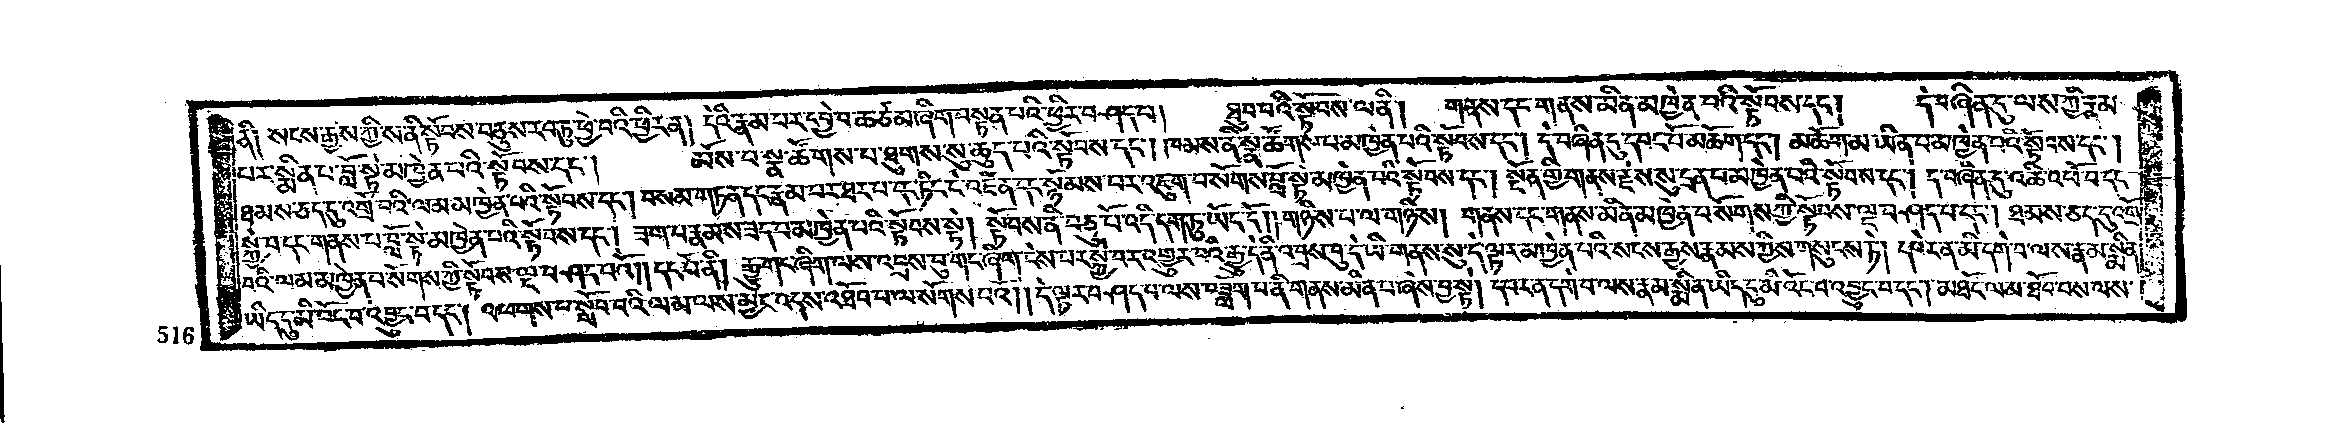ནི། སངས་རྒྱས་ཀྱི་ས་ནི་སྟོབས་བཅུས་རབ་ཏུ་ཕྱེ་བའི་ཕྱིར་ན། དེའི་རྣམ་པར་དབྱེ་བ་ཆ་ཙམ་ཞིག་བསྟན་པའི་ཕྱིར་བཤད་པ། ཐུབ་པའི་སྟོབས་ལ་ནི། གནས་དང་གནས་མིན་མཁྱེན་པའི་སྟོབས་དང་། དེ་བཞིན་དུ་ལས་ཀྱི་རྣམ་
པར་སྨིན་པ་བློ་སྟེ་མཁྱེན་པའི་སྟོབས་དང་། མོས་པ་སྣ་ཚོགས་པ་ཐུགས་སུ་ཆུད་པའི་སྟོབས་དང་། ཁམས་ནི་སྣ་ཚོགས་པ་མཁྱེན་པའི་སྟོབས་དང་། དེ་བཞིན་དུ་དབང་པོ་མཆོག་དང་། མཆོག་མ་ཡིན་པ་མཁྱེན་པའི་སྟོབས་དང་།
ཐམས་ཅད་དུ་འགྲོ་བའི་ལམ་མཁྱེན་པའི་སྟོབས་དང་། བསམ་གཏན་དང་རྣམ་པར་ཐར་པ་དང་ཏིང་ངེ་འཛིན་དང་སྙོམས་པར་འཇུག་པ་སོགས་བློ་སྟེ་མཁྱེན་པའི་སྟོབས་དང་། སྔོན་གྱི་གནས་རྗེས་སུ་དྲན་པ་མཁྱེན་པའི་སྟོབས་དང་། དེ་བཞིན་དུ་འཆི་འཕོ་བ་དང་
སྐྱེ་བ་དང་གནས་པ་བློ་སྟེ་མཁྱེན་པའི་སྟོབས་དང་། ཟག་པ་རྣམས་ཟད་པ་མཁྱེན་པའི་སྟོབས་སྟེ། སྟོབས་ནི་བཅུ་པོ་འདི་དག་ཏུ་ཡོད་དོ། །གཉིས་པ་ལ་གཉིས། གནས་དང་གནས་མིན་མཁྱེན་པ་སོགས་ཀྱི་སྟོབས་ལྔ་བཤད་པ་དང་། ཐམས་ཅད་དུ་འགྲོ་
བའི་ལམ་མཁྱེན་པ་སོགས་ཀྱི་སྟོབས་ལྔ་བཤད་པའོ། །དང་པོ་ནི། རྒྱུ་གང་ཞིག་ལས་འབྲས་བུ་གང་ཞིག་ངེས་པར་སྐྱེ་བར་འགྱུར་བའི་རྒྱུ་དེ་ནི་འབྲས་བུ་དེ་ཡི་གནས་སུ་དེ་ལྟར་མཁྱེན་པའི་སངས་རྒྱས་རྣམས་ཀྱིས་གསུངས་ཏེ། དཔེར་ན་མི་དགེ་བ་ལས་རྣམ་སྨིན་
ཡིད་དུ་མི་འོང་བ་འབྱུང་བ་དང་། འཕགས་པ་སློབ་པའི་ལམ་ལས་མྱང་འདས་འཐོབ་པ་ལ་སོགས་པའོ། །དེ་ལྟར་བཤད་པ་ལས་བཟློག་པ་ནི་གནས་མིན་པ་ཞེས་བྱ་སྟེ། དཔེར་ན་དགེ་བ་ལས་རྣམ་སྨིན་ཡིད་དུ་མི་འོང་བ་འབྱུང་བ་དང་། མཐོང་ལམ་ཐོབ་པས་ལས་